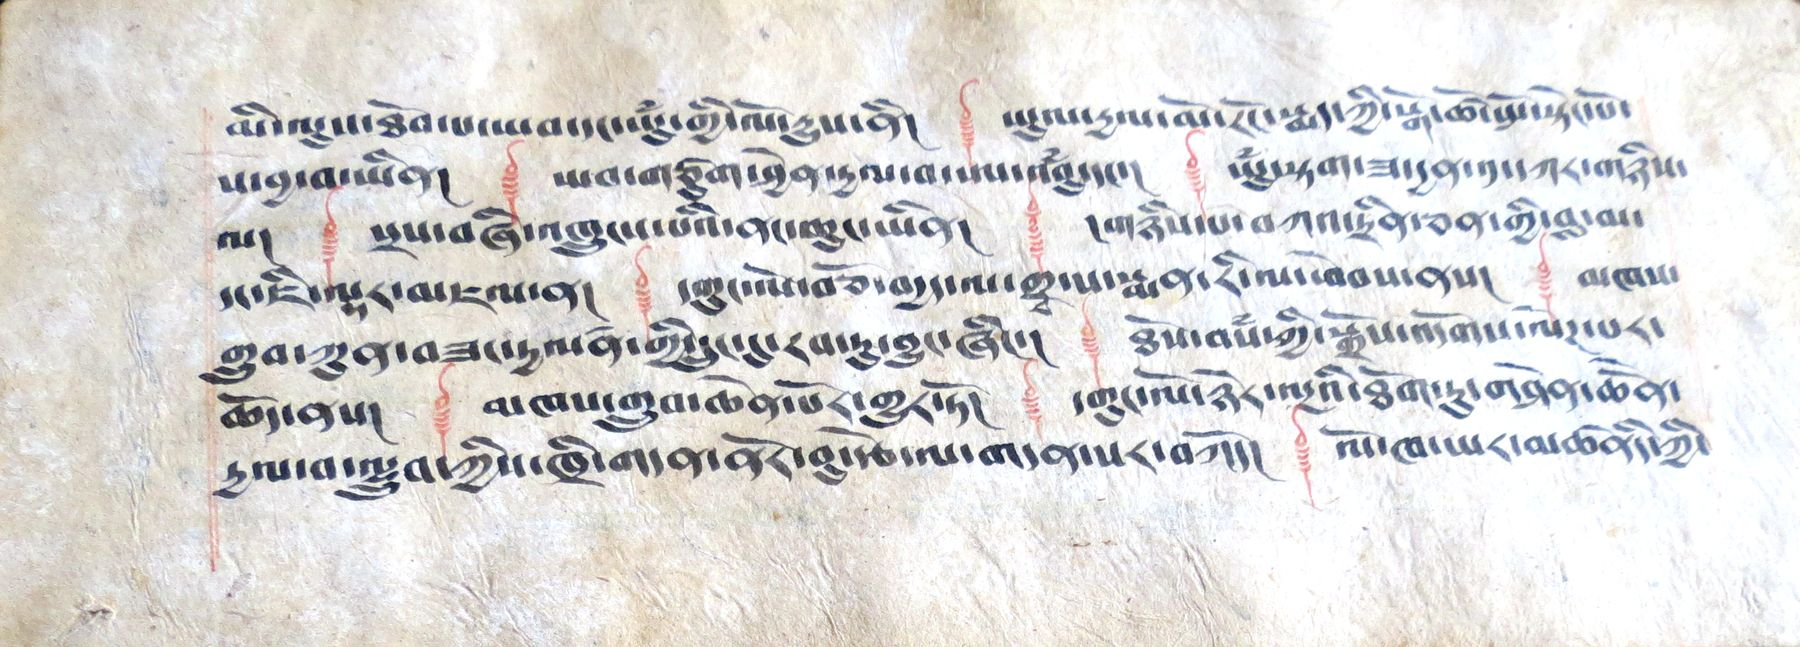མི་ལུས་ཐོབ་པ། ཡབ་དང་ཡུམ་གྱི་ལོ་རྒྱུས་ནི། ཡུལ་རྒྱལ་མོ་རོང་སྨད་ཀྱི་སྒོ་ཚོ་པོ་སྟེང་པོ་
བྱ་བ་ཡིན། ཡབ་གཙུག་གཤེན་རྒྱལ་བ་ཨ་འབུམ་དང་། ཡུམ་སྟག་བཟའ་རྒྱན་གཅིག་དཀར་གཉིས་
ལ་སྲས་བཞི་འཁྲུངས་པའི་ནང་ཆུང་ཡིན། གཉིས་པ་བཀའ་དྲིན་ཅན་གྱི་བླ་མ་
དང་ཇི་ལྟར་མཇལ་ན། དགུང་ལོ་བཅོ་བརྒྱད་ལ་གྲྭ་ས་སྨན་རི་ལ་ཕེབས་ནས། མཁས་
གྲུབ་ཀུན་བཟང་རྒྱལ་མཚན་གྱི་དྲུང་དུ་རབ་ཏུ་བྱུང་ཞིང་། ཐོས་བསམ་གྱི་སྒྲོ་འདོགས་ལེགས་པར་
ཆོད་ནས་མཁས་གྲུབ་ཆེན་པོར་གྱུར་ཏོ། ། དགུང་ལོ་ཉེར་ལྔའི་ཐོག་ཏུ་གཤེན་ཆེན་
པོ་རྒྱལ་བ་ལྷུན་གྲུབ་ཀྱིས། ཁྲི་བརྟན་ནོར་བུའི་རྩེ་ལ་གདན་སར་བཀོད། ལོ་ཁ་ཡར་མཚན་ཉིད་ཀྱི་